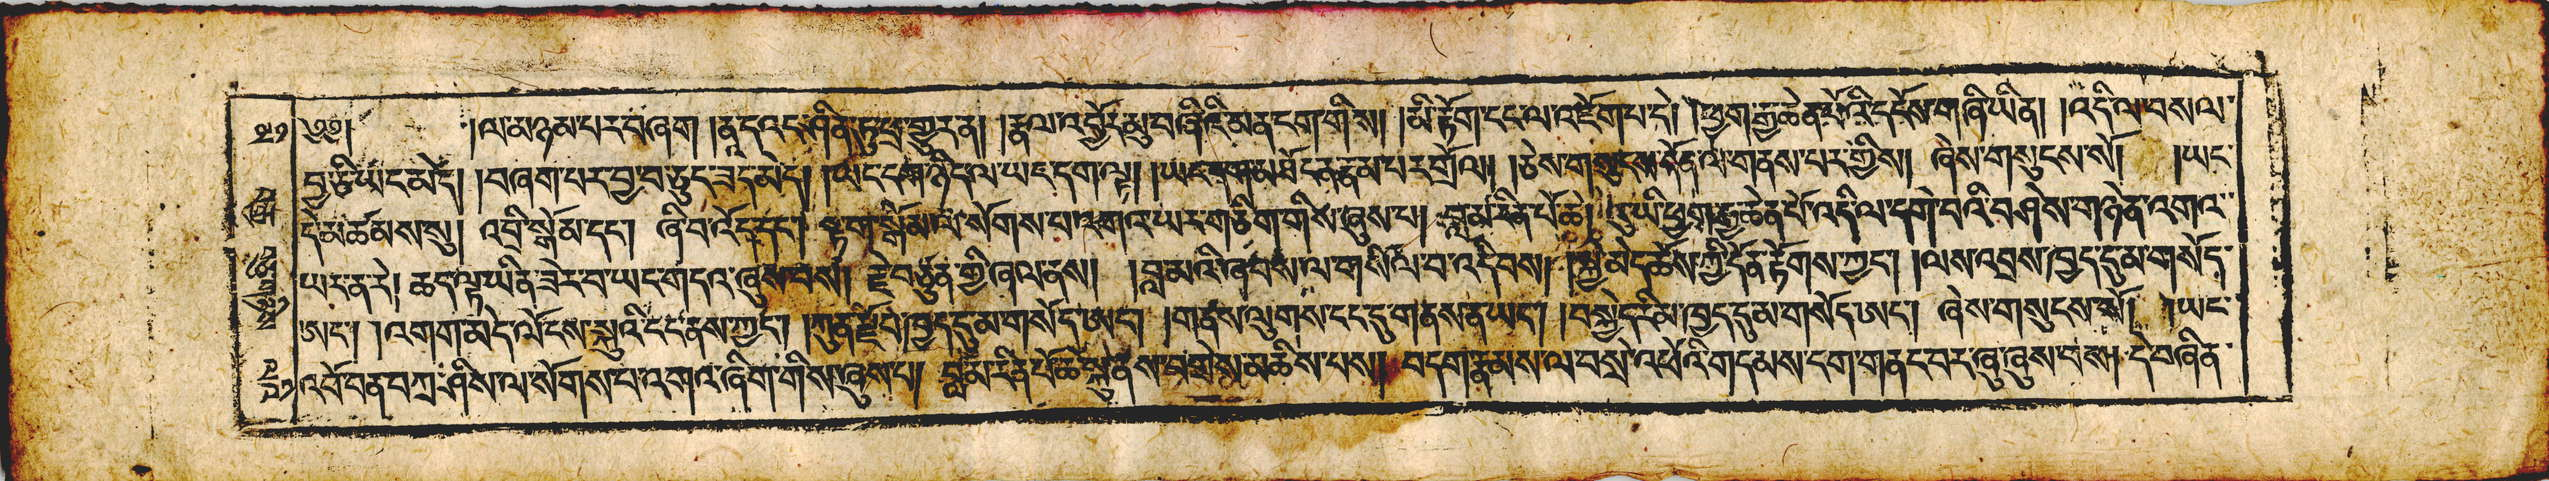ལ་མཉམ་པརབཞག །ནཱ་ད་འང་ཤིན་ཏུ་ཕྲ་གྱུར་ན། །རྣལ་འབྱོར་མུ་བཞིའི་མན་ངག་གིས། །མི་རྟོག་ངང་ལ་འཇོག་པ་དེ། ། ཕྱག་རྒྱ་ཆེན་པོའི་དངོས་གཞི་ཡིན། །འདི་ལ་བསལ་
བྱ་ཅི་ཡང་མེད། །བཞག་པར་བྱ་བ་ཅུང་ཟད་མེད། །ཡང་དག་ཉིད་ལ་ཡང་དག་ལྟ། །ཡང་དག་མཐོང་ན་རྣམ་པར་གྲོལ། །།ཅེས་གསུངས་དོན་ལ་གནས་པར་གྱིས། ཞེས་གསུངས་སོ། །ཡང་
དེ་མཚམས་སུ། འབྲི་སྒོམ་དང་། ཞི་བ་འོད་དང་། སྟག་སྒོམ་པ་སོགས་པ་འགའ་ཡར་གཅིག་གིས་ཞུས་པ། བླ་མ་རིན་པོ་ཆེ། འུ་ཡི་ཕྱག་རྒྱ་ཆེན་པོ་འདི་ལ་དགེ་བའི་བཤེས་གཉེན་འགའ་
ཡར་ན་རེ། ཆད་ལྟ་ཡིན་ཟེར་བ་ཡང་གདའ་ཞུས་པས། རྗེབཙུན་གྱི་ཞལ་ནས། །བླ་མའི་ཞབས་ལ་གསོལ་བ་འདིབས། །སྐྱེ་མེད་ཆོས་ཀྱི་དོན་རྟོགས་ཀྱང་། །ལས་འབྲས་ཁྱད་དུ་མ་གསོད་
ཨང་། །འགག་མེད་ལོངས་སྐུའི་ངང་ནས་ཀྱང་། །ཀུན་རྫོབ་ཁྱད་དུ་མ་གསོད་ཨང་། །གནས་ལུགས་ངང་དུ་གནས་ན་ཡང་། །བསྐྱེད་རིམ་ཁྱད་དུ་མ་གསོད་ཨང་། ཞེས་གསུངས་སོ། །ཡང་
འབོ་བན་བཀྲ་ཤིས་ལ་སོགས་པ་འགའ་ཞིག་གིས་ཞུས་པ། བླ་མ་རིན་པོ་སྐུ་ན་བགྲེས་མཆིས་པས། བདག་རྣམས་ལ་བསྲེ་འཕོའི་གདམས་ངག་གནང་བར་ཞུ་ཞུས་པས། དེ་བཞིན་